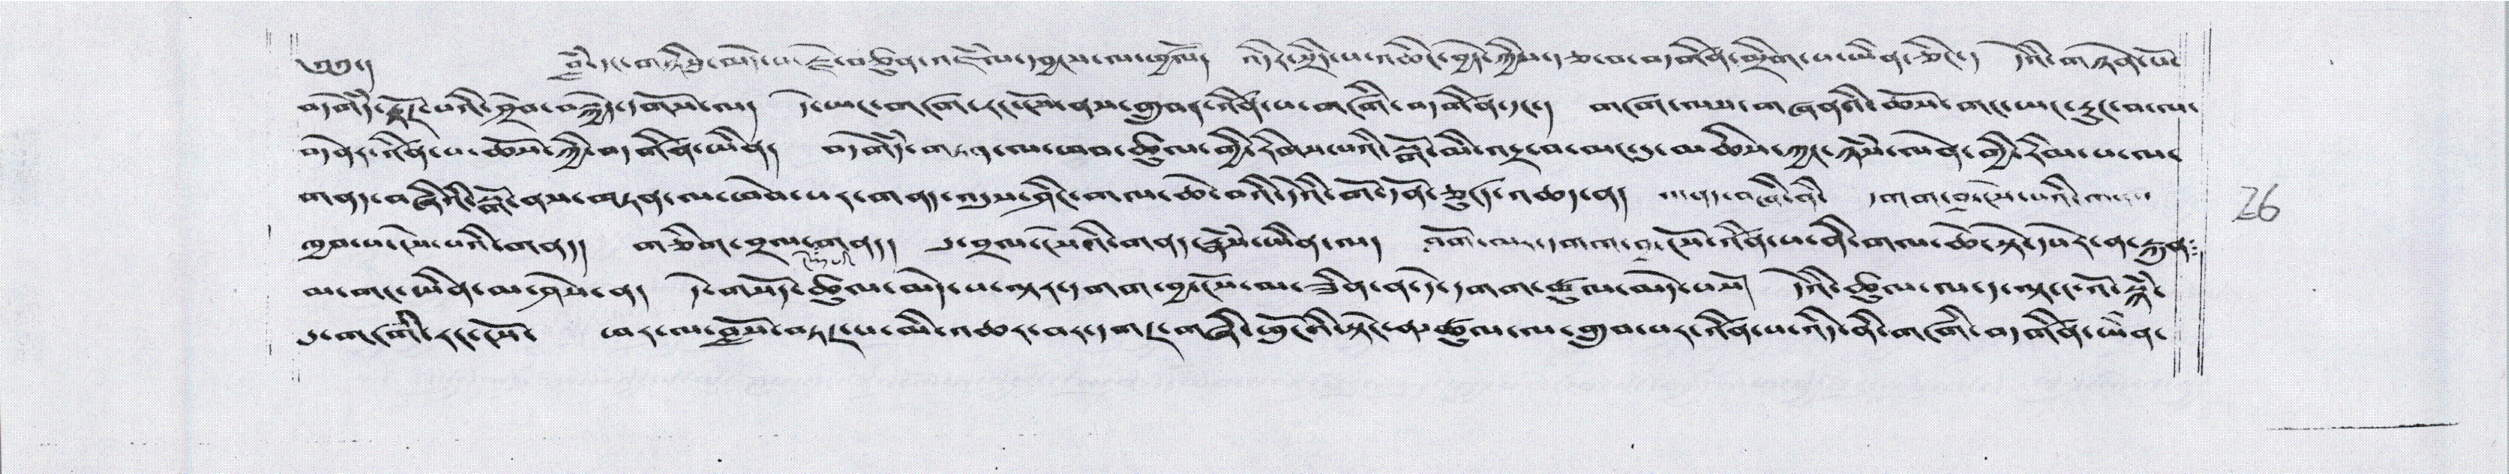༄༅།། བླ་མ་དང་ངོ་བོ་གཉིས་སུ་མེད་པ་རྗེ་བཙུན་འཇམ་དབྱངས་ལ་ཕྱག་འཚལ་ལོ། །འདིར་སྲིད་པ་འཆིང་བྱེད་ཀྱི་རྩ་བ་བདག་འཛིན་མ་རིག་པ་ཡིན་ཅིང་། དེའི་གཉེན་པོ་
བདག་མེད་རྟོགས་པའི་ཤེས་རབ་བསྐྱེད་དགོས་ལ། དེ་ཡང་གང་ཟག་རང་ངོས་ནས་གྲུབ་པར་འཛིན་པ་གང་ཟག་གི་བདག་འཛིན་དང་། གང་ཟག་ལས་གཞན་པའི་ཆོས་གང་ཡང་རུང་བ་
བདེན་པར་འཛིན་པ་ལ་ཆོས་ཀྱི་བདག་འཛིན་ཡིན། བདག་མེད་གཏན་ལ་འབེབས་ཚུལ་གྱི་རིགས་པའི་སྒོ་མི་འདྲ་བ་དུ་མ་མཆིས་ཀྱང་ཉམས་ལེན་གྱི་རིམ་པ་ལ་
གནད་བཞིའི་སྒོ་ནས་གཏན་ལ་ཕེབས་པར་གནད་འདུས་ཤིང་གལ་ཆེ་བས་དེའི་གོ་དོན་ཅུང་ཟད་འཆད་ན། གནད་བཞི་ནི། དགག་བྱ་ངེས་པའི་གནད། 
ཁྱབ་པ་ངེས་པའི་གནད། གཅིག་བྲལ་ངེས་པའི་གནད། དུ་བྲལ་ངེས་པའི་གནད་རྣམས་ཡིན་ལ། ཐོག་མར་དགག་བྱ་ངོས་འཛིན་པ་ནི་གལ་ཆེ་སྟེ་དཔེར་ན། རྐུན་
མ་གང་ཡིན་མ་ཤེས་ན་དེ་གསོད་ཚུལ་མེད་པ་ལྟར་དགག་བྱ་ངོས་མ་ཟིན་ན་དེ་དགག་ཚུལ་མེད་པའོ། དེའི་ཚུལ་ལ་ད་ལྟ་ངའོ་སྙམ་
དུ་གང་ཟག་གི་རང་ངོས། ཕར་ལ་བློས་བཏགས་པ་མི་འཆར་བར་དགག་གཞི་ཕུང་པོའི་སྟེང་ན་ཚུར་ལ་མ་གྲུབ་པར་འཛིན་པ་འདི་ནི་གང་ཟག་གི་བདག་འཛིན་ཡིན་